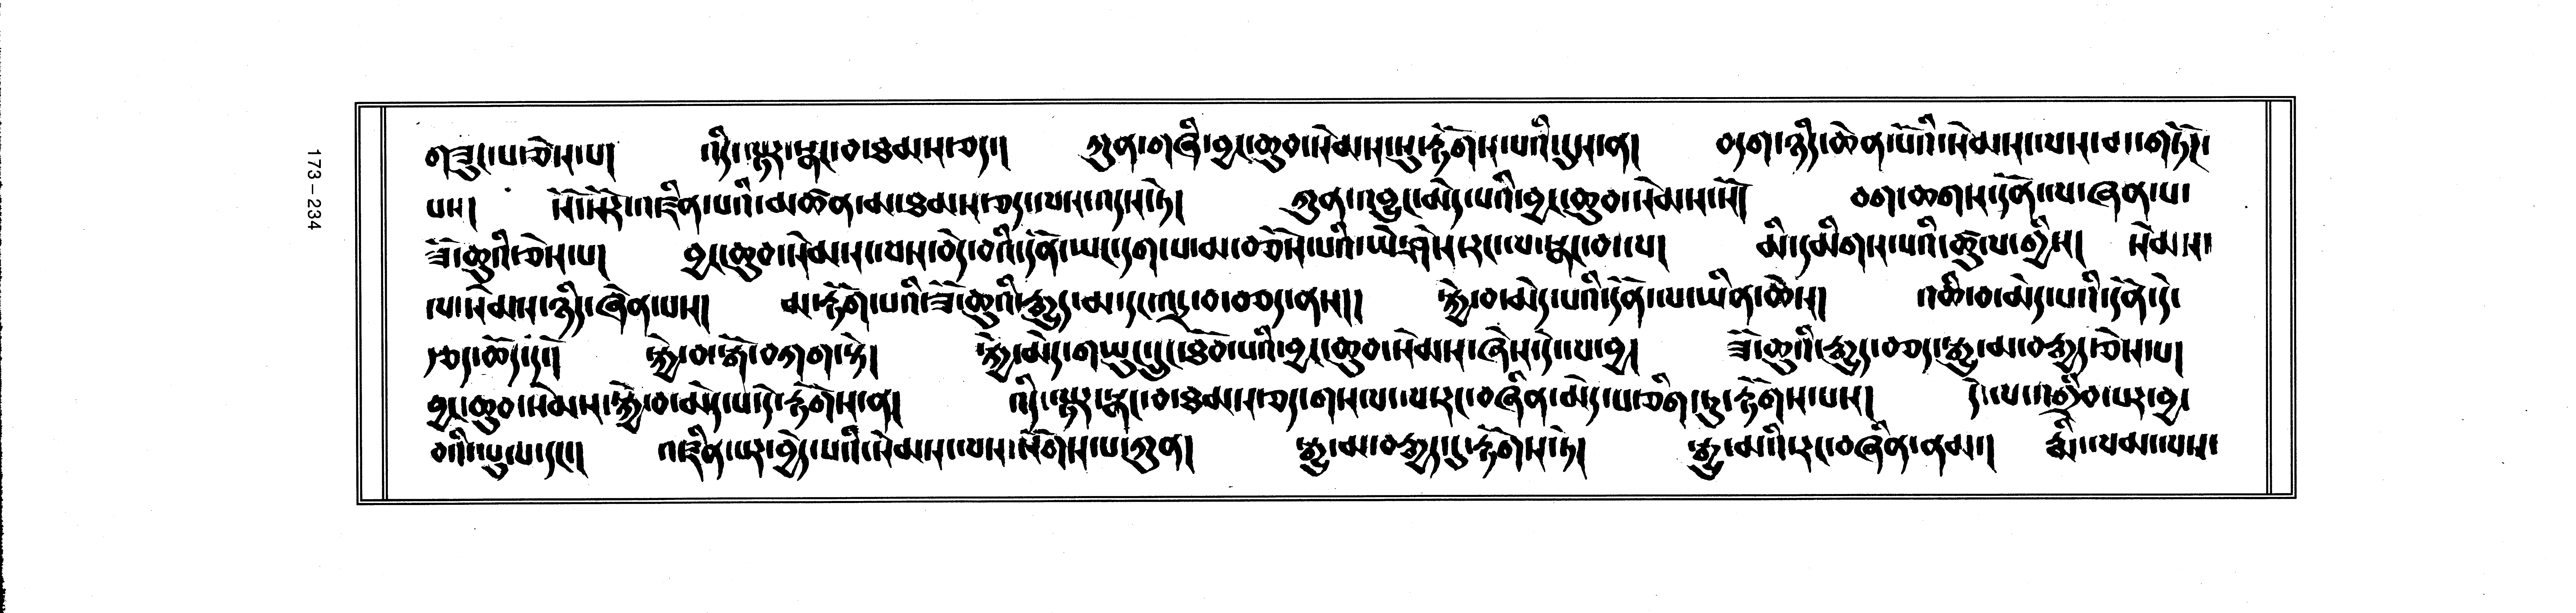བཟུང་བ་ཅེས་པ། འདི་ལྟར་སྣང་བ་ཐམས་ཅད། ཀུན་གཞི་བྱང་ཆུབ་སེམས་སུ་རྟོགས་པའི་དུས་ན། བདག་ཉིད་ཆེན་པོའི་སེམས་ལས་མ་གཏོགས་
པས། སོ་སོར་འཛིན་པའི་མཚན་མ་ཐམས་ཅད་ལས་འདས་ཏེ། ཀུན་འབྱུང་མེད་པའི་བྱང་ཆུབ་སེམས་སོ། བག་ཆགས་དོན་ལ་ཞེན་པ་
ཟོ་ཆུའི་ཞེས་པ། བྱང་ཆུབ་སེམས་ལས་བདེ་བའི་དོན་ཡང་དག་པ་མ་བཅོས་པའི་ཡེ་ཤེས་རང་ལ་སྣང་བ་ལ། མི་དམིགས་པའི་ཚུལ་གྱིས། སེམས་
ལ་སེམས་ཉིད་ཞེན་པས། མ་རྟོགས་པའི་ཟོ་ཆུའི་རྒྱུད་མ་དང་འདྲ་བ་བཅད་ནས། སྐྱེ་བ་མེད་པའི་དོན་ལ་ཡིད་ཆེས། འཆི་བ་མེད་པའི་དོན་དེ་
རྕད་ཆོད་དོ། །སྐྱེ་བ་སྒོ་བཀག་སྟེ། སྐྱེ་མེད་གཡུང་དྲུང་ཐོབ་པའི་བྱང་ཆུབ་སེམས་ཞེས་དེ་ལ་བྱ། ཟོ་ཆུའི་རྒྱུད་བཅད་སྒྱུ་མ་བརྒྱད་ཅེས་པ། 
བྱང་ཆུབ་སེམས་སྐྱེ་བ་མེད་པ་དེ་རྟོགས་ན། འདི་ལྟར་སྣང་བ་ཐམས་ཅད་གསལ་ལ་རང་བཞིན་མེད་པ་ཅིག་ཏུ་རྟོགས་པས། དེ་ལ་འགྲིབ་པར་བྱ་
བའི་ཡུལ་དང་། འཛིན་པར་བྱེད་པའི་སེམས་ལ་སོགས་པ་ཀུན། སྒྱུ་མ་བརྒྱད་དུ་རྟོགས་ཏེ། སྒྱུ་མའི་རང་བཞིན་ནམ། རྨི་ལམ་ལས།